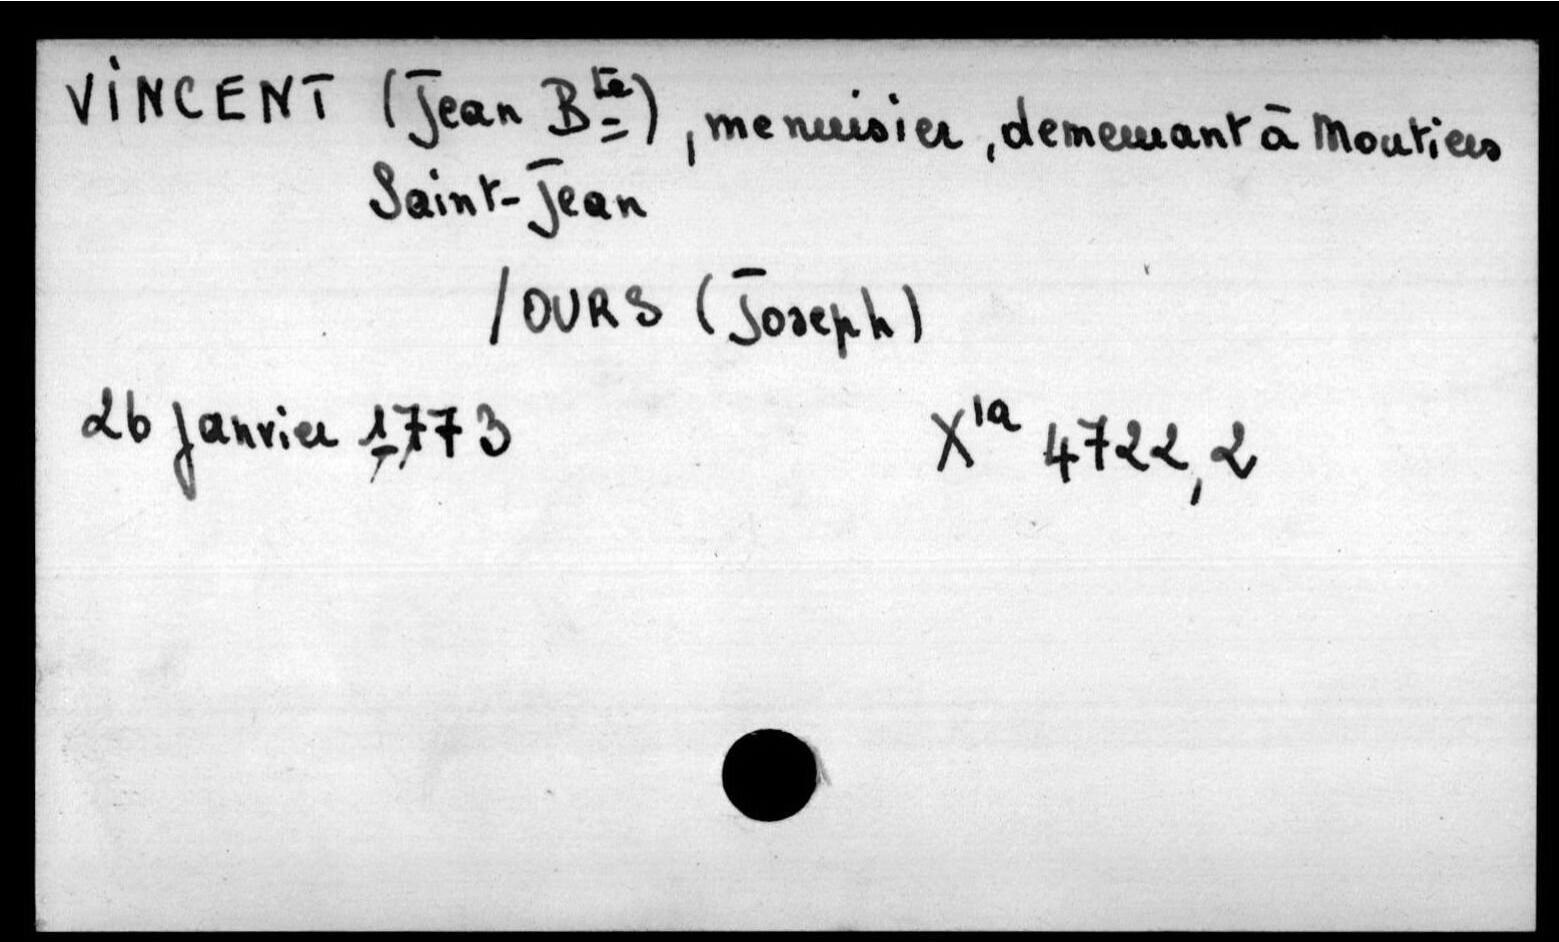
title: VINCENT (Jean Baptiste), menuisier, demeurant à Moutiers Saint-Jean
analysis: Contre OURS (Joseph)
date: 26 janvier 1773
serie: X1a
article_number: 4722
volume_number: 2
